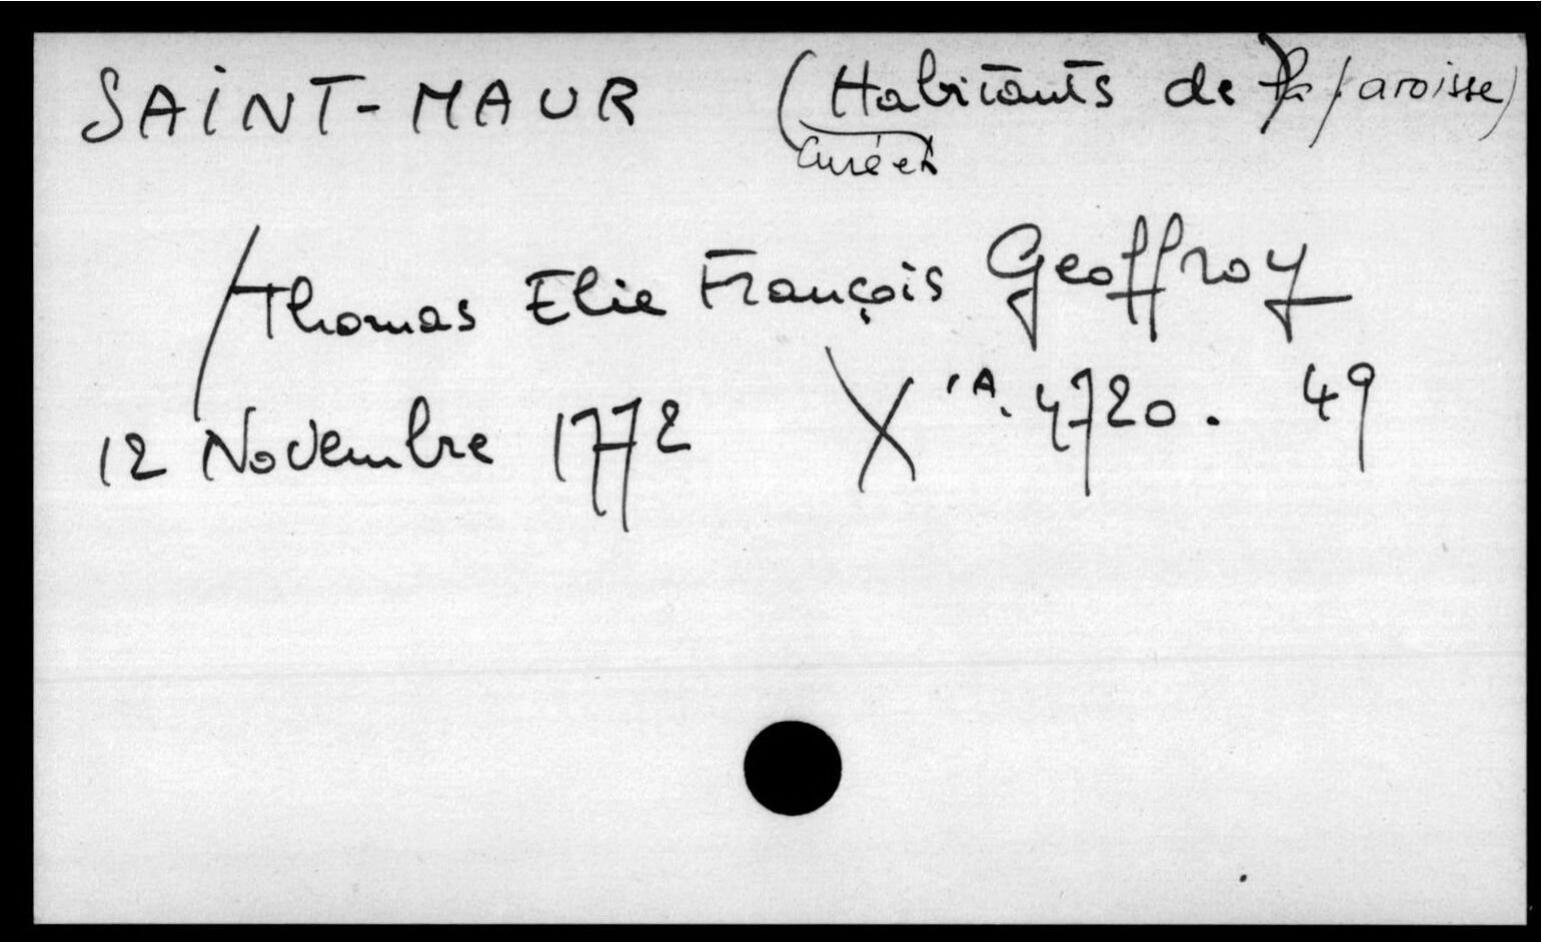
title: SAINT-MAUR (curé et habitants de la paroisse)
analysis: Contre Thomas Elie François Geoffroy
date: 12 novembre 1772
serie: X1A
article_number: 4720
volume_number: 49
